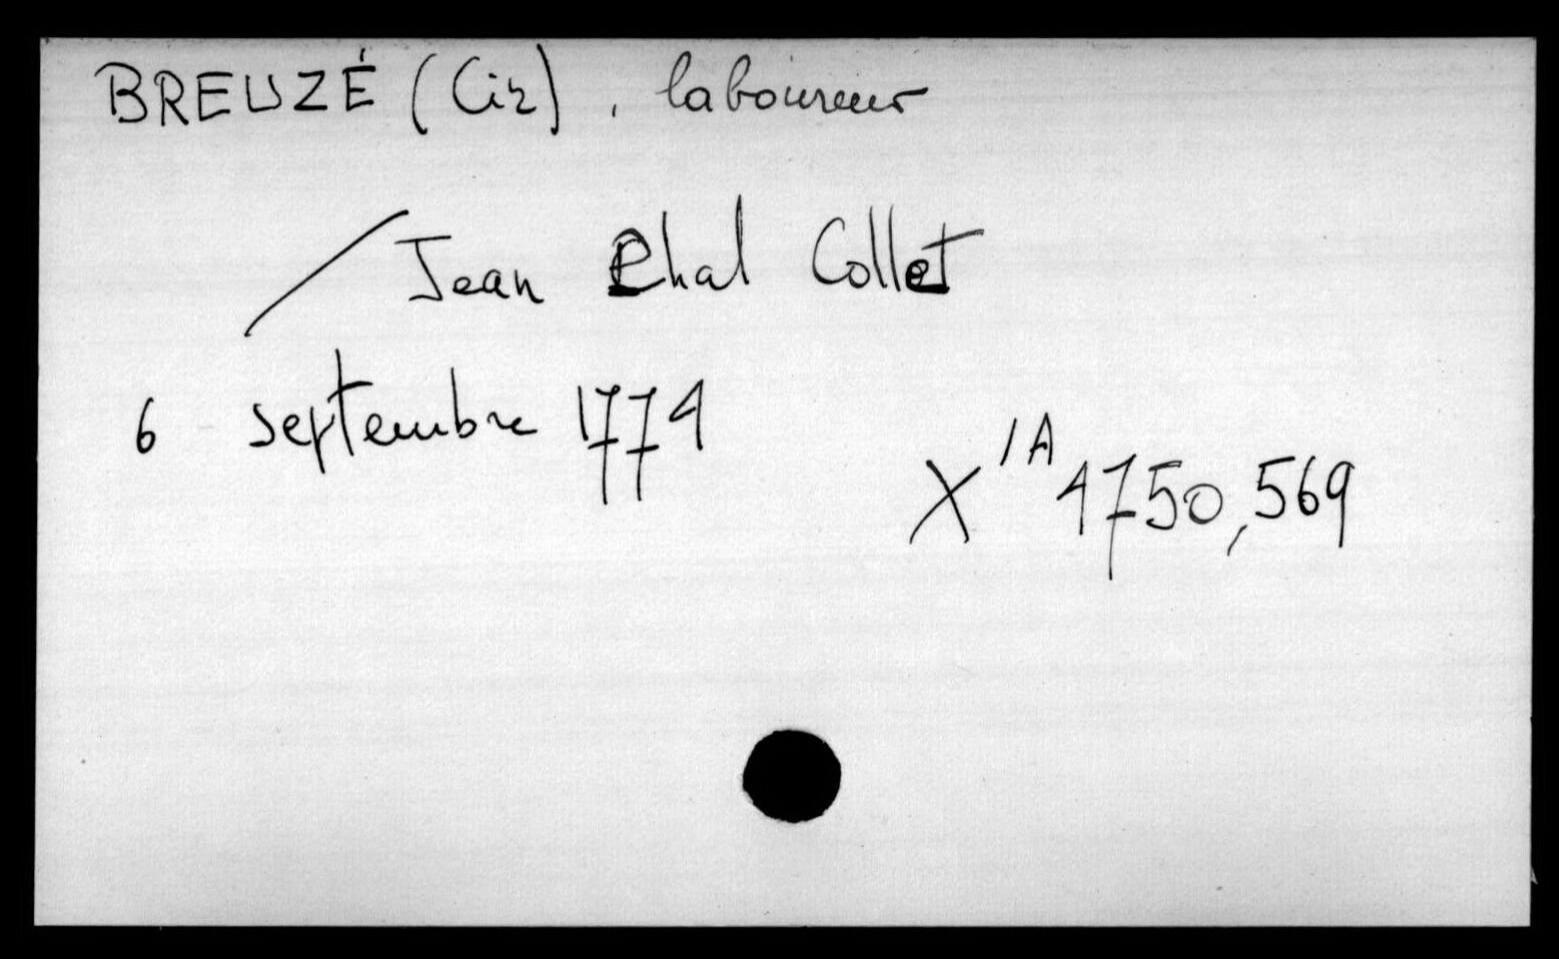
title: BREULÉ (Cir), laboureur
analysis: Contre Jean Chal Collet
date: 6 septembre 1774
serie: X1A
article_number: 4750
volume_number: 569
